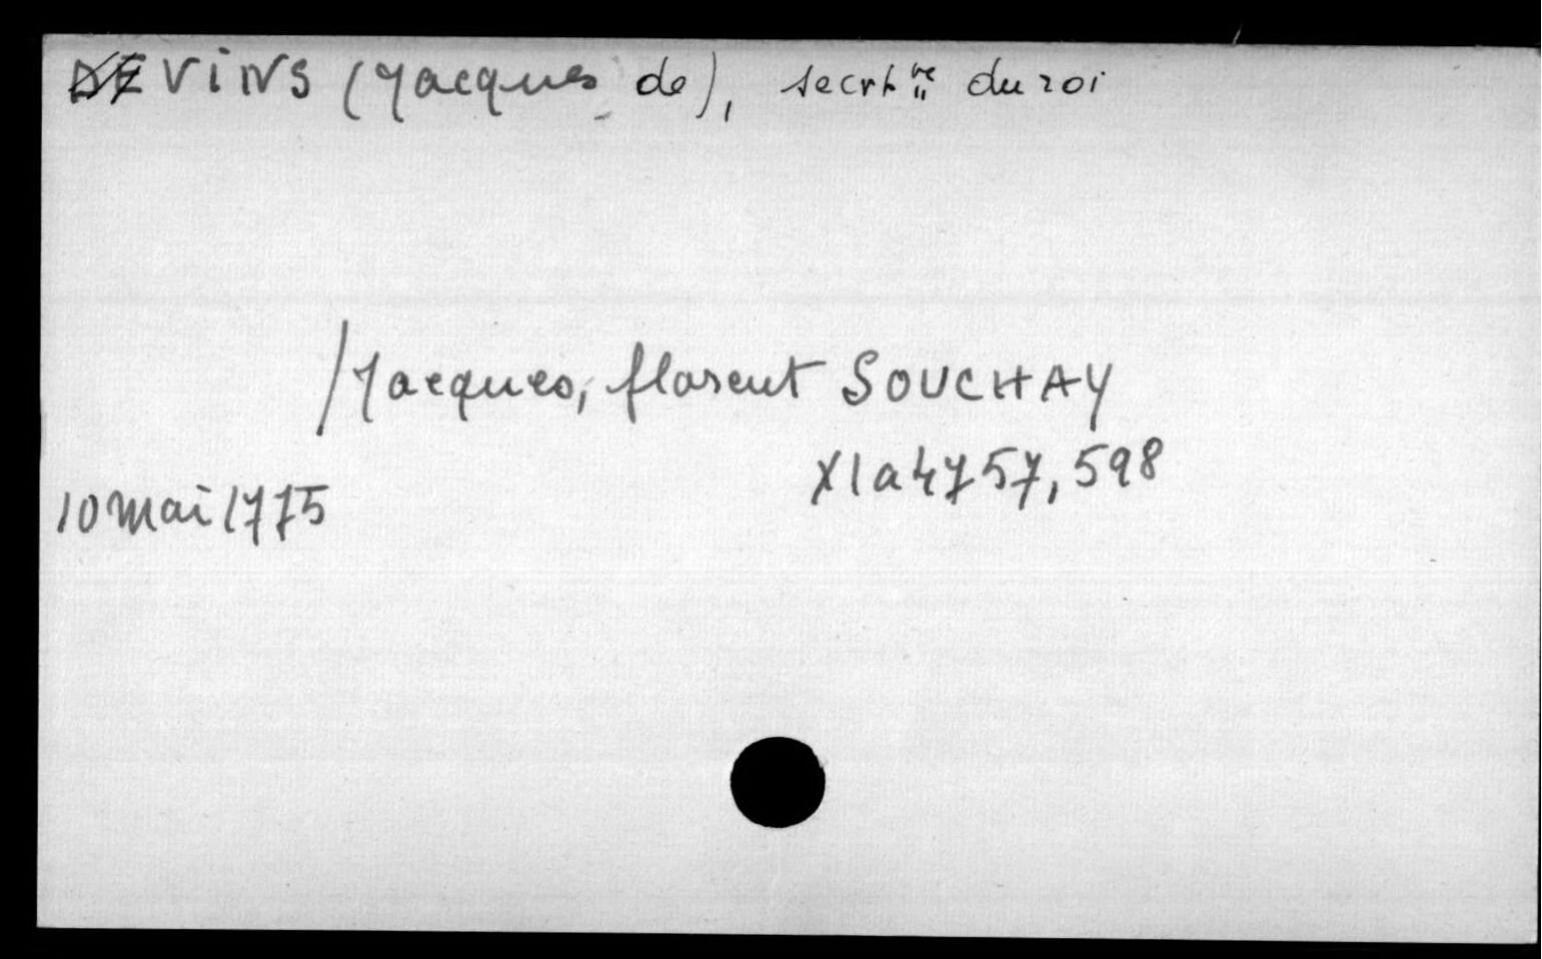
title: VINS (Jacques de), secrétaire du roi
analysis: Contre Jacques, florent SOUCHAY
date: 10 mai 1775
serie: X1a
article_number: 4757
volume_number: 598
